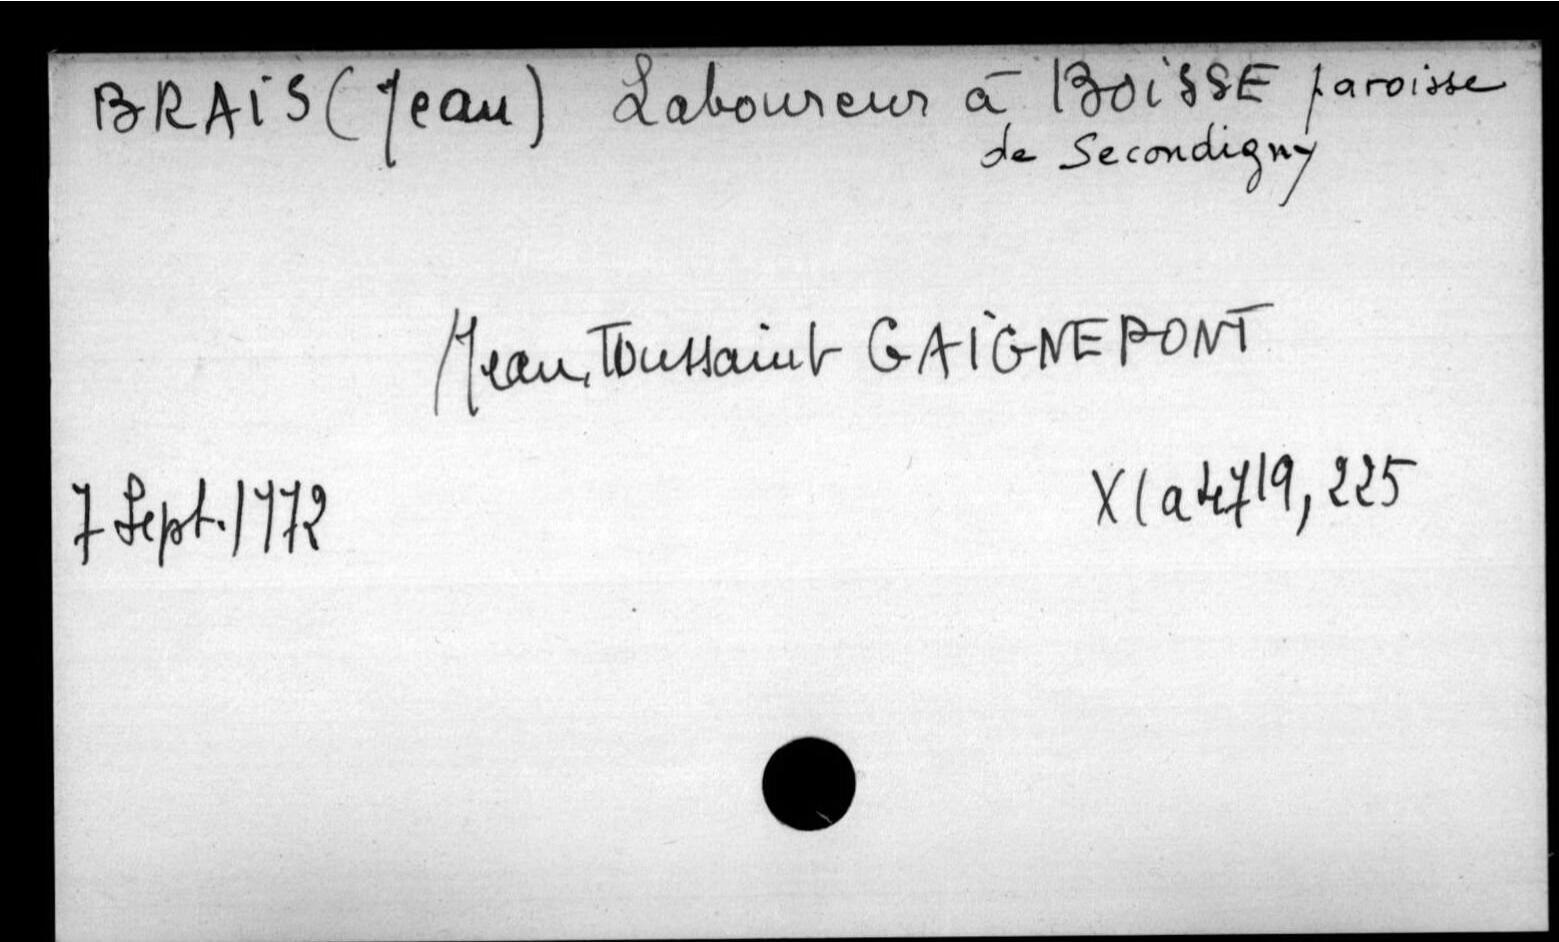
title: BRAIS (Jean) Laboureur à Boisse paroisse de Secondigny
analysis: Contre Jean Toussaint GAIGNEPONT
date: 7 septembre 1772
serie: X1a
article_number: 4719
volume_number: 225
